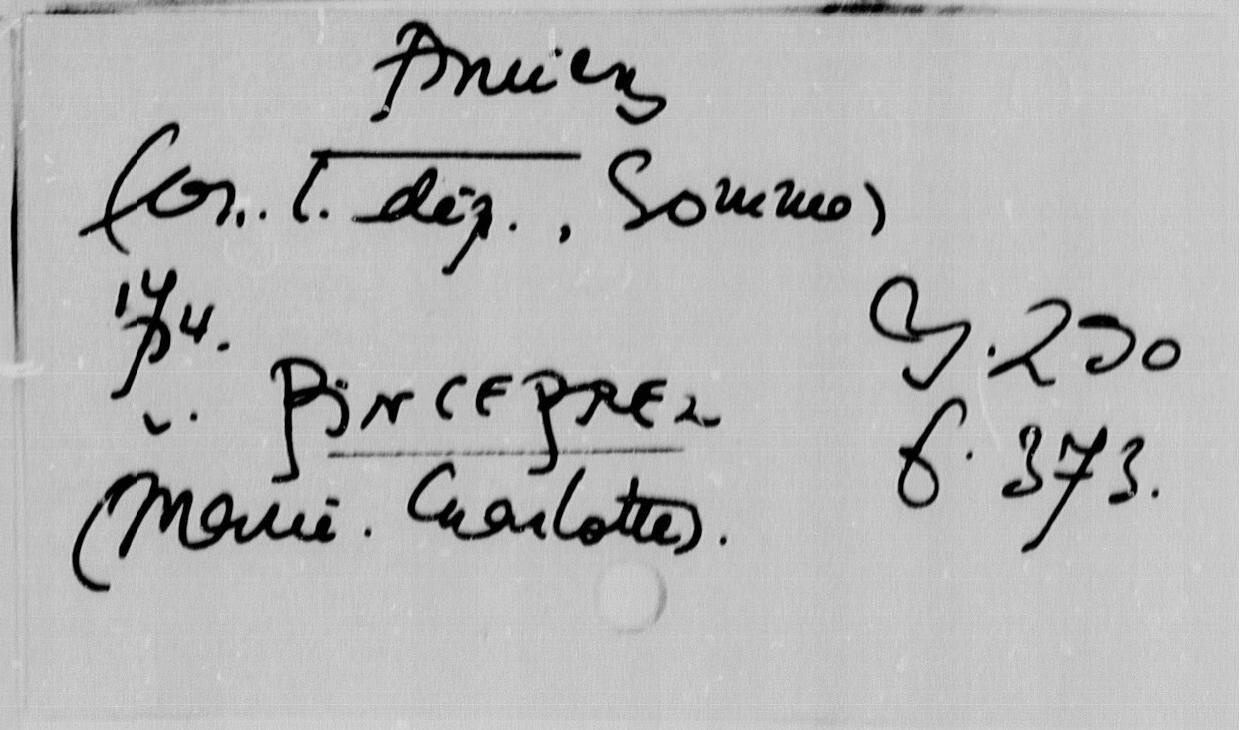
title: Amiens (Chef-lieu département, Somme)
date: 1714
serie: Y
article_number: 290
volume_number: folio 373
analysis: Voir PINCEPREZ (Marie-Charlotte)
